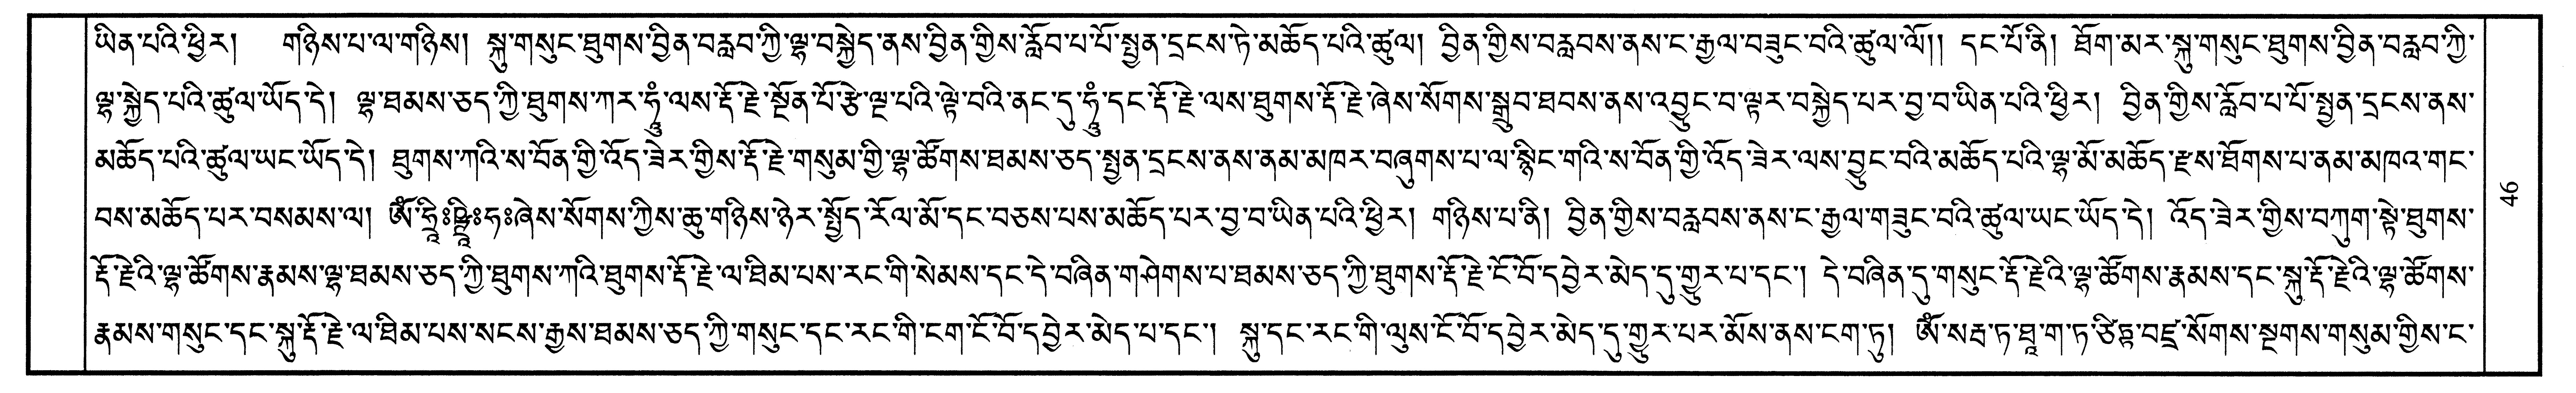ཡིན་པའི་ཕྱིར། གཉིས་པ་ལ་གཉིས། སྐུ་གསུང་ཐུགས་བྱིན་བརླབ་ཀྱི་ལྷ་བསྐྱེད་ནས་བྱིན་གྱིས་རློབ་པ་པོ་སྤྱན་དྲངས་ཏེ་མཆོད་པའི་ཚུལ། བྱིན་གྱིས་བརླབས་ནས་ང་རྒྱལ་བཟུང་བའི་ཚུལ་ལོ།། དང་པོ་ནི། ཐོག་མར་སྐུ་གསུང་ཐུགས་བྱིན་བརླབ་ཀྱི་
ལྷ་སྐྱེད་པའི་ཚུལ་ཡོད་དེ། ལྷ་ཐམས་ཅད་ཀྱི་ཐུགས་ཀར་ཧཱུཾ་ལས་རྡོ་རྗེ་སྔོན་པོ་རྩེ་ལྔ་པའི་ལྟེ་བའི་ནང་དུ་ཧཱུཾ་དང་རྡོ་རྗེ་ལས་ཐུགས་རྡོ་རྗེ་ཞེས་སོགས་སྒྲུབ་ཐབས་ནས་འབྱུང་བ་ལྟར་བསྐྱེད་པར་བྱ་བ་ཡིན་པའི་ཕྱིར། བྱིན་གྱིས་རློབ་པ་པོ་སྤྱན་དྲངས་ནས་
མཆོད་པའི་ཚུལ་ཡང་ཡོད་དེ། ཐུགས་ཀའི་ས་བོན་གྱི་འོད་ཟེར་གྱིས་རྡོ་རྗེ་གསུམ་གྱི་ལྷ་ཚོགས་ཐམས་ཅད་སྤྱན་དྲངས་ནས་ནམ་མཁར་བཞུགས་པ་ལ་སྙིང་གའི་ས་བོན་གྱི་འོད་ཟེར་ལས་བྱུང་བའི་མཆོད་པའི་ལྷ་མོ་མཆོད་རྫས་ཐོགས་པ་ནམ་མཁའ་གང་
བས་མཆོད་པར་བསམས་ལ། ཨོཾ་ཧྲཱིཿ ཥྚྲཱིཿ ཧཿ ཞེས་སོགས་ཀྱིས་ཆུ་གཉིས་ཉེར་སྤྱོད་རོལ་མོ་དང་བཅས་པས་མཆོད་པར་བྱ་བ་ཡིན་པའི་ཕྱིར། གཉིས་པ་ནི། བྱིན་གྱིས་བརླབས་ནས་ང་རྒྱལ་གཟུང་བའི་ཚུལ་ཡང་ཡོད་དེ། འོད་ཟེར་གྱིས་བཀུག་སྟེ་ཐུགས་
རྡོ་རྗེའི་ལྷ་ཚོགས་རྣམས་ལྷ་ཐམས་ཅད་ཀྱི་ཐུགས་ཀའི་ཐུགས་རྡོ་རྗེ་ལ་ཐིམ་པས་རང་གི་སེམས་དང་དེ་བཞིན་གཤེགས་པ་ཐམས་ཅད་ཀྱི་ཐུགས་རྡོ་རྗེ་ངོ་བོ་དབྱེར་མེད་དུ་གྱུར་པ་དང་། དེ་བཞིན་དུ་གསུང་རྡོ་རྗེའི་ལྷ་ཚོགས་རྣམས་དང་སྐུ་རྡོ་རྗེའི་ལྷ་ཚོགས་
རྣམས་གསུང་དང་སྐུ་རྡོ་རྗེ་ལ་ཐིམ་པས་སངས་རྒྱས་ཐམས་ཅད་ཀྱི་གསུང་དང་རང་གི་ངག་ངོ་བོ་དབྱེར་མེད་པ་དང་། སྐུ་དང་རང་གི་ལུས་ངོ་བོ་དབྱེར་མེད་དུ་གྱུར་པར་མོས་ནས་ངག་ཏུ། ཨོཾ་སརྦ་ཏ་ཐཱ་ག་ཏ་ཙིཏྟ་བཛྲ་སོགས་སྔགས་གསུམ་གྱིས་ང་